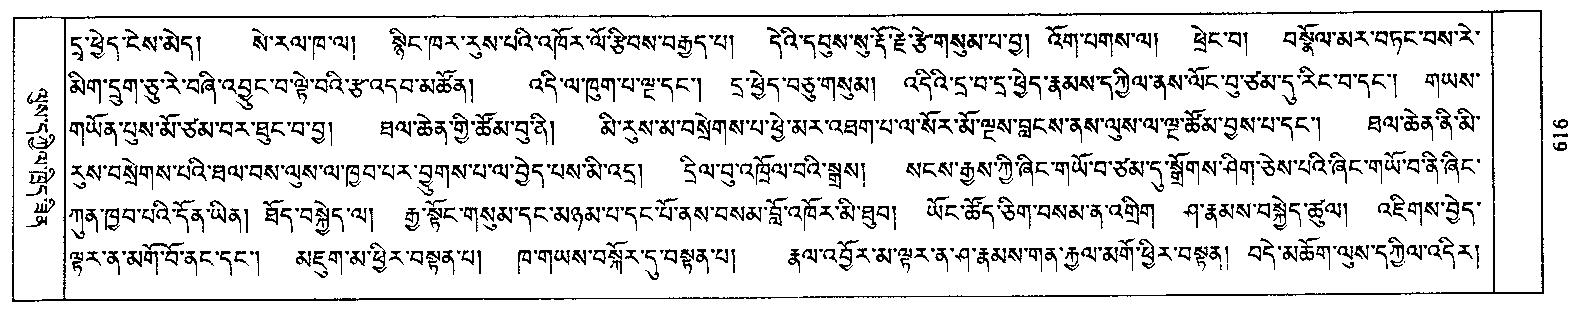དྲྭ་ཕྱེད་ངེས་མེད། སེ་རལ་ཁ་ལ། སྙིང་ཁར་རུས་པའི་འཁོར་ལོ་རྩིབས་བརྒྱད་པ། དེའི་དབུས་སུ་རྡོ་རྗེ་རྩེ་གསུམ་པ་བྱ། འོག་པགས་ལ། ཕྲེང་བ། བསྣོལ་མར་བཏང་བས་རེ་
མིག་དྲུག་ཅུ་རེ་བཞི་འབྱུང་བ་ལྟེ་བའི་རྩ་འདབ་མཚོན། འདི་ལ་ཁུག་པ་ལྔ་དང་། དྲ་ཕྱེད་བཅུ་གསུམ། འདིའི་དྲ་བ་དྲ་ཕྱེད་རྣམས་དཀྱིལ་ནས་ལོང་བུ་ཙམ་དུ་རིང་བ་དང་། གཡས་
གཡོན་པུས་མོ་ཙམ་བར་ཐུང་བ་བྱ། ཐལ་ཆེན་གྱི་ཚོམ་བུ་ནི། མི་རུས་མ་བསྲེགས་པ་ཕྱེ་མར་འཐག་པ་ལ་སོར་མོ་ལྔས་བླངས་ནས་ལུས་ལ་ལྔ་ཚོམ་བྱས་པ་དང་། ཐལ་ཆེན་ནི་མི་
རུས་བསྲེགས་པའི་ཐལ་བས་ལུས་ལ་ཁྱབ་པར་བྱུགས་པ་ལ་བྱེད་པས་མི་འདྲ། དྲིལ་བུ་འཁྲོལ་བའི་སྒྲས། སངས་རྒྱས་ཀྱི་ཞིང་གཡོ་བ་ཙམ་དུ་སྒྲོགས་ཤིག་ཅེས་པའི་ཞིང་གཡོ་བ་ནི་ཞིང་
ཀུན་ཁྱབ་པའི་དོན་ཡིན། ཐོད་བསྐྱེད་ལ། རྒྱ་སྟོང་གསུམ་དང་མཉམ་པ་དང་པོ་ནས་བསམ་བློ་འཁོར་མི་ཐུབ། ཡོང་ཚོད་ཅིག་བསམ་ན་འགྲིག་ཤ་རྣམས་བསྐྱེད་ཚུལ། འཇིགས་བྱེད་
ལྟར་ན་མགོ་བོ་ནང་དང་། མཇུག་མ་ཕྱིར་བསྟན་པ། ཁ་གཡས་བསྐོར་དུ་བསྟན་པ། རྣལ་འབྱོར་མ་ལྟར་ན་ཤ་རྣམས་གན་རྐྱལ་མགོ་ཕྱིར་བསྟན། བདེ་མཆོག་ལུས་དཀྱིལ་འདིར།